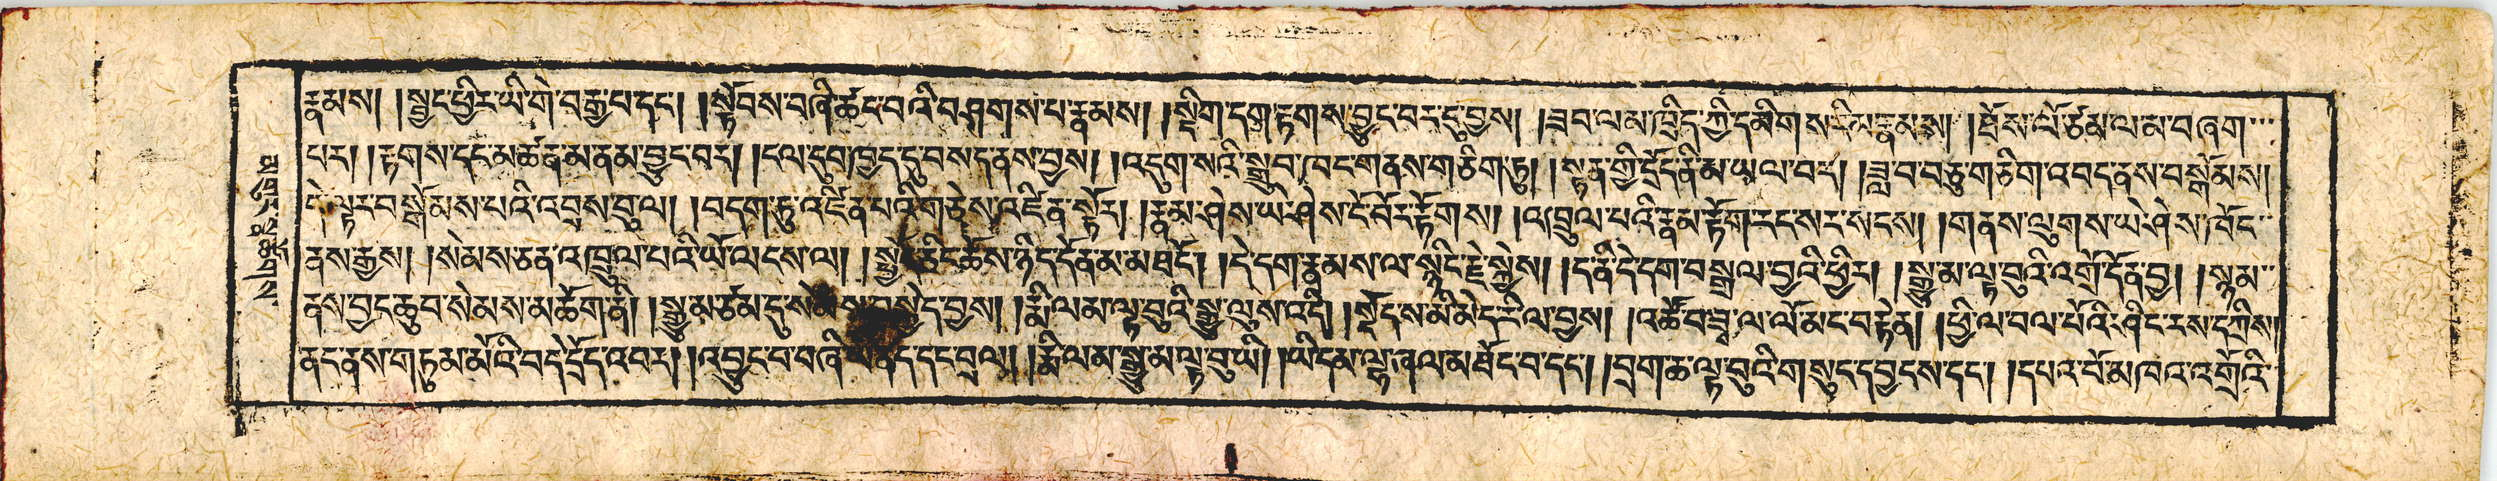རྣམས། །སྦྱང་ཕྱིར་ཡི་གེ་བརྒྱ་པ་དང་། །སྟོབས་བཞི་ཚང་བའི་བཤགས་པ་རྣམས། །སྡིག་དག་རྟགས་བྱུང་བར་དུ་བྱས། །ཟབ་ལམ་ཁྲིད་ཀྱི་དམིགས་རིམ་རྣམས། །ཐོས་ལོ་ཙམ་ལ་མ་བཞག་
པར། །རྟགས་དང་མཚན་མ་ནམ་བྱུང་བར། །ངལ་དུབ་ཁྱད་དུ་བསད་ནས་བྱས། །འདུག་སའི་སྒྲུབ་ཁང་གནས་གཅིག་ཏུ། །སྙན་གྱི་དྲོད་ནི་མ་ཡལ་བར། །ཟླ་བ་བཅུ་གཅིག་འབད་ནས་བསྒོམས། །
དེ་ལྟར་བསྒོམས་པའི་འབྲས་བུ་ལ། །བདག་ཏུ་འཛིན་པའི་གཅེས་འཛིན་སྟོར། །རྣམ་ཤེས་ཡེ་ཤེས་ངོ་བོར་རྟོགས། །འཁྲུལ་པའི་རྣམ་རྟོག་རང་སར་སངས། །གནས་ལུགས་ཡེ་ཤེས་ཁོང་
ནས་རྒྱས། །སེམས་ཅན་འཁྲུལ་པའི་ཡོ་ལངས་ལ། །སྤྱོད་ཅིང་ཆོས་ཉིད་དོན་མ་མཐོང་། །དེ་དག་རྣམས་ལ་སྙིང་རྗེ་སྐྱེས། །ད་ནི་དེ་དག་བསྒྲལ་བྱའི་ཕྱིར། །སྒྱུ་མ་ལྟ་བུའི་འགྲོ་དོན་བྱ། །སྙམ་
ནས་བྱང་ཆུབ་སེམས་མཆོག་ནི། །སྒྱུ་མ་ཙམ་དུ་སེམས་བསྐྱེད་བྱས། །རྨི་ལམ་ལྟ་བུའི་སྒྱུ་ལུས་འདི། །སྡོད་ས་མི་མེད་རི་ལ་བྱས། །འཚོ་བ་ཟྭ་ལ་ལོ་མང་བརྟེན། །ཕྱི་ལ་བལ་པོའི་ཤིང་རས་དཀྲིས། །
ནང་ནས་གཏུམ་མོའི་བདེ་དྲོད་འབར། །འབྱུང་བ་བཞི་ལ་ནད་དང་བྲལ། །རྨི་ལམ་སྒྱུ་མ་ལྟ་བུ་ཡི། །ཡི་དམ་ལྷ་ཞལ་མཐོང་བ་དང་། །བྲག་ཆ་ལྟ་བུའི་གསུང་དབྱངས་དང་། །དཔའ་བོ་མཁའ་འགྲོའི་